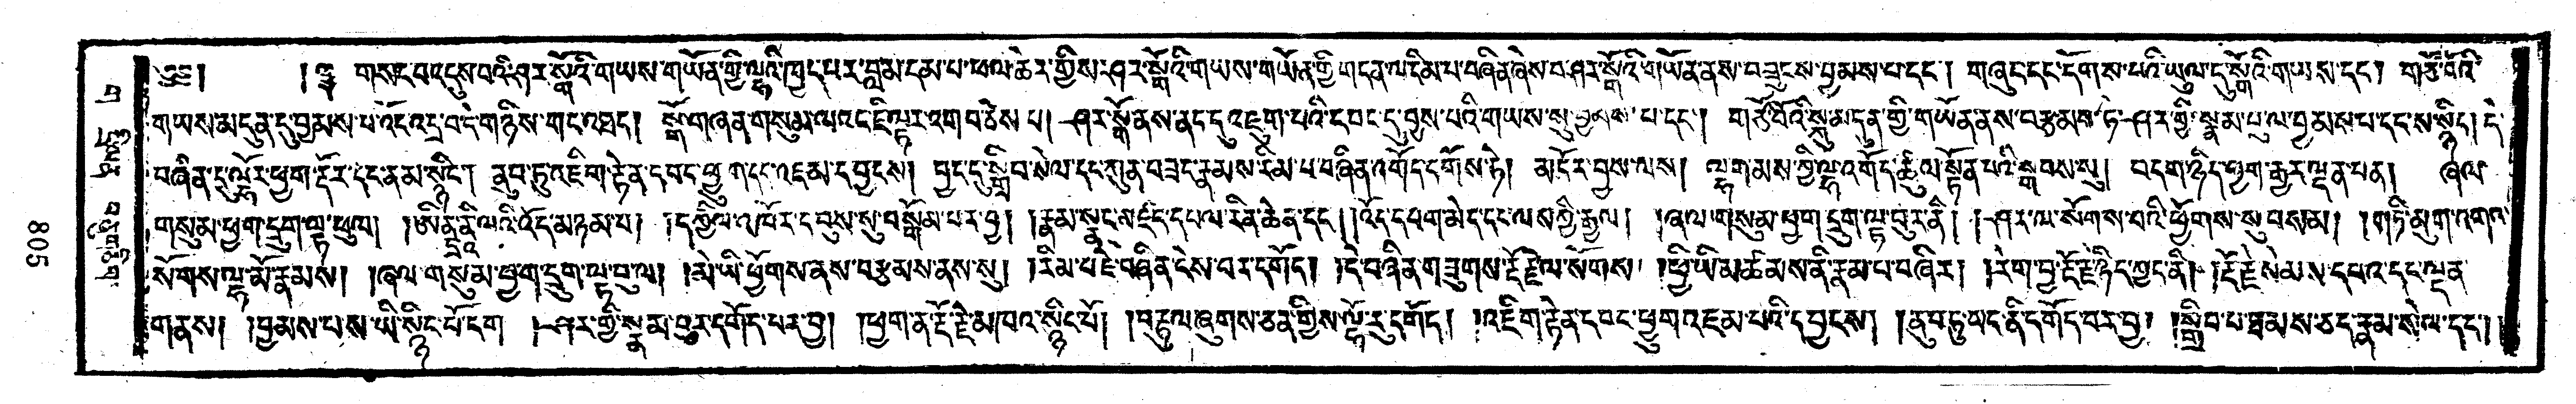༄༅། །༈ གསང་བ་འདུས་པའི་ཤར་སྒོའི་གཡས་གཡོན་གྱི་ལྷའི་ཁྱད་པར་བླ་མ་དམ་པ་ཕལ་ཆེར་གྱིས་ཤར་སྒོའི་གཡས་གཡོན་གྱི་གདན་ལ་རིམ་པ་བཞིན་ཞེས་བ་ཤར་སྒོའི་གཡོན་ནས་བཟུངས་བྱམས་པ་དང་། གཞུང་དང་དོགས་པའི་ཡུལ་དུ་སྒོའི་གཡས་དང་། གཙོ་བོའི་
གཡས་མདུན་དུ་བྱམས་པ་འོང་འདྲ་བ་དེ་གཉིས་གང་འཐད། སྒོ་གཞན་གསུམ་ལའང་ཇི་ལྟར་འགབ་ཅེས་པ། ཤར་སྒོ་ནས་ནང་དུ་འཇུག་པའི་དབང་དུ་བྱས་པའི་གཡས་སུ་བྱམས་པ་དང་། གཙོ་བོའི་སྐུ་མདུན་གྱི་གཡོན་ནས་བརྩམས་ཏེ་ཤར་གྱི་སྣམ་པུ་ལ་བྱམས་པ་དང་ས་སྙིང་། དེ་
བཞིན་དུ་ལྷོར་ཕྱག་རྡོར་དང་ནམ་སྙིང་། ནུབ་ཏུ་འཇིག་རྟེན་དབང་ཕྱུག་དད་འཇམ་དབྱངས། བྱང་དུ་སྒྲིབ་སེལ་དང་ཀུན་བཟང་རྣམས་རིམ་པ་བཞིན་འགོད་དགོས་ཏེ། མདོར་བྱས་ལས། ལྷག་མས་ཀྱི་ལྷ་འགོད་ཚུལ་སྟོན་པའི་སྒབས་སུ། བདག་ཉིད་ཕྱག་རྒྱར་ལྡན་པན། ཞལ་
གསུམ་ཕྱག་དྲུག་ལྟ་ཕུལ། །ཨིནྡྲ་ནཱི་ལའི་འོད་མཉམ་པ། །དཀྱིལ་འཁོར་དབུས་སུ་བསྒོམ་པར་བྱ། །རྣམ་སྣང་མཛད་དཔལ་རིན་ཆེན་དང་། །འོད་དཔག་མེད་དང་ལས་ཀྱི་རྒྱལ། །ཞལ་གསུམ་ཕྱག་དྲུག་ལྟ་བུར་ནི། །ཤར་ལ་སོགས་པའི་ཕྱོགས་སུ་བསམ། །གཏི་མུག་འགའ་
སོགས་ལྷ་མོ་རྣམས། །ཞལ་གསུམ་ཕྱག་དྲུག་ལྟ་བུ་ལ། །མེ་ཡི་ཕྱོགས་ནས་བརྩམས་ནས་སུ། །རིམ་པ་ཇེ་བཞིན་ངེས་བར་དགོད། །དེ་བཞིན་གཟུགས་རྡོ་རྗེ་ལ་སོགས། །ཕྱི་ཡི་མཚམས་ནི་རྣམ་པ་བཞིར། །རེག་བྱ་རྡོ་རྗེ་ཉིད་ཀྱང་ནི། །རྡོ་རྗེ་སེམས་དཔའ་དང་ལྡན་
གནས། །བྱམས་པས་ཡི་སྙིང་པོ་དག །ཤར་གྱི་སྣམ་བུར་དགོད་པར་བྱ། །ཕྱག་ན་རྡོ་རྗེ་མཁའ་སྙིང་པོ། །བརྟུལ་ཞུགས་ཅན་གྱིས་ལྷོ་རུ་དགོད། །འཇིག་རྟེན་དབང་ཕྱུག་འཇམ་པའི་དབྱངས། །ནུབ་ཏུ་ཡང་ནི་དགོད་བར་བྱ། །སྒྲིབ་པ་ཐམས་ཅད་རྣམ་སེལ་དང་། །